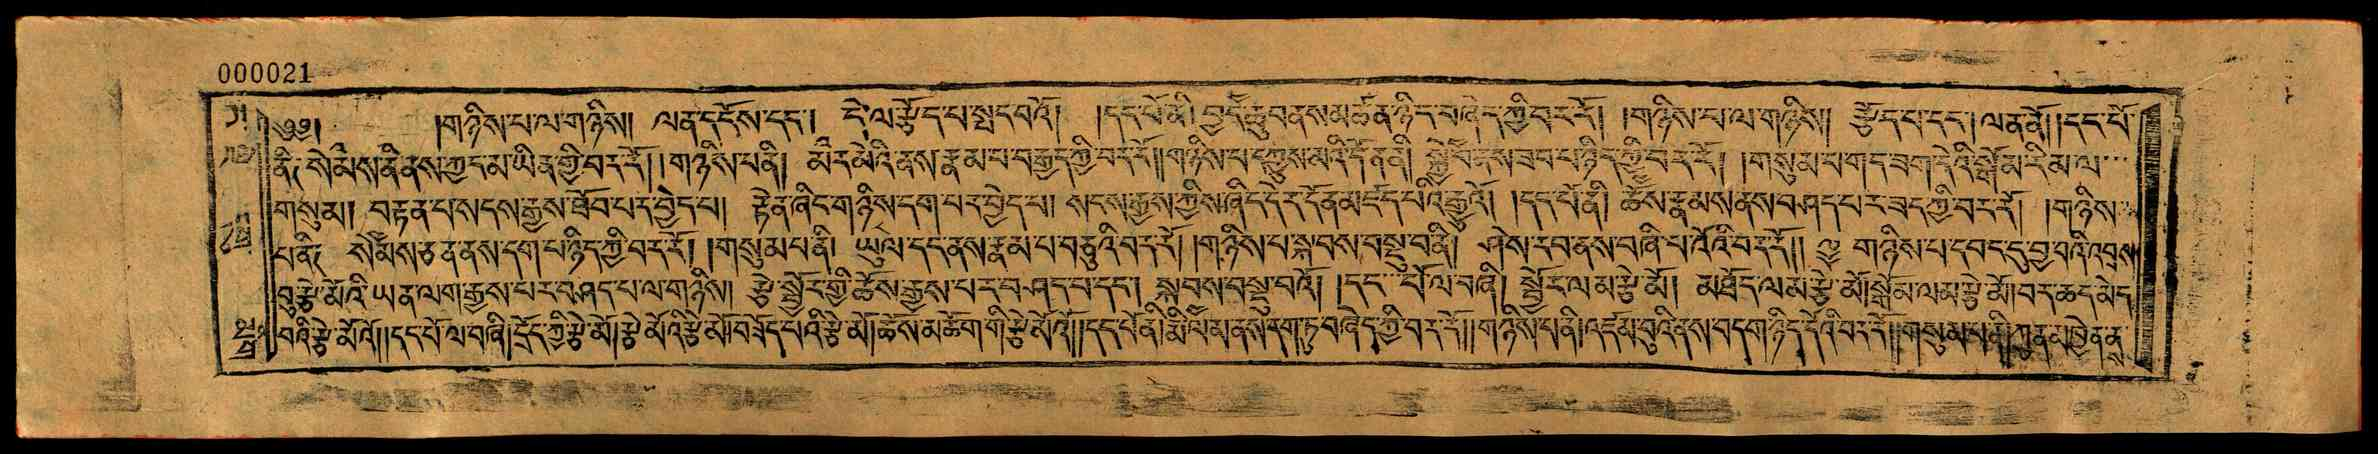༄༅། །གཉིས་པ་ལ་གཉིས། ལན་དངོས་དང་། དེ་ལ་རྩོད་པ་སྤང་བའོ། །དང་པོ་ནི། ༤་བྱང་ཆུབ་ནས་མཚན་ཉིད་བཞེད་ཀྱི་བར་རོ། །གཉིས་པ་ལ་གཉིས། རྩོད་པ་དང་། ལན་ནོ། །དང་པོ་
ནི༑ ༢་སེམས་ནི་ནས་ཀྱང་མ་ཡིན་གྱི་བར་རོ། །གཉིས་པ་ནི། མར་མེའི་ནས་རྣམ་པ་བརྒྱད་ཀྱི་བར་རོ། །གཉིས་པ་དཀྱུས་མའི་དོན་ནི། ༤་སྐྱེ་བ་ནས་ཟབ་པ་ཉིད་ཀྱི་བར་རོ། །གསུམ་པ་གང་ཟག་དེའི་སྒོམ་རིམ་ལ་
གསུམ། བརྟེན་པ་སངས་རྒྱས་ཐོབ་པར་བྱེད་པ། རྟེན་ཞིང་གཉིས་དག་པར་བྱེད་པ། སངས་རྒྱས་ཀྱིས་ཞིང་དེར་དོན་མཛད་པའི་རྒྱུའོ། །དང་པོ་ནི། ཆོས་རྣམས་ནས་བཤད་པར་ཟད་ཀྱི་བར་རོ། །གཉིས་
པ་ནི༑ ༤་སེམས་ཅན་ནས་དག་པ་ཉིད་ཀྱི་བར་རོ། །གསུམ་པ་ནི། ཡུལ་དང་ནས་རྣམ་པ་བཅུའི་བར་རོ། །གཉིས་པ་སྐབས་བསྡུ་བ་ནི། ཤེས་རབ་ནས་བཞི་པ་འོའི་བར་རོ།། ༈ གཉིས་པ་དབང་དུ་བྱ་བའི་འབྲས་
བུ་རྩེ་མོའི་ཡན་ལག་རྒྱས་པར་བཤད་པ་ལ་གཉིས། རྩེ་སྦྱོར་གྱི་ཆོས་རྒྱས་པར་བཤད་པ་དང་། སྐབས་བསྡུ་བའོ། །དང་པོ་ལ་བཞི། སྦྱོར་ལམ་རྩེ་མོ། མཐོང་ལམ་རྩེ་མོ། སྒོམ་ལམ་རྩེ་མོ། བར་ཆད་མེད་
པའི་རྩེ་མོའོ། །དང་པོ་ལ་བཞི། དྲོད་ཀྱི་རྩེ་མོ། རྩེ་མོའི་རྩེ་མོ། བཟོད་པའི་རྩེ་མོ། ཚེས་མཆོག་གི་རྩེ་མོའོ། །དང་པོ་ནི། ༤་རྨི་ལམ་ནས་དག་ཏུ་བཞེད་ཀྱི་བར་རོ། །གཉིས་པ་ནི། འཛམ་བུའི་ནས་བདག་ཉིད་དོའི་བར་རོ། །གསུམ་པ་ནི། ཀུན་མཁྱེན་ནས་